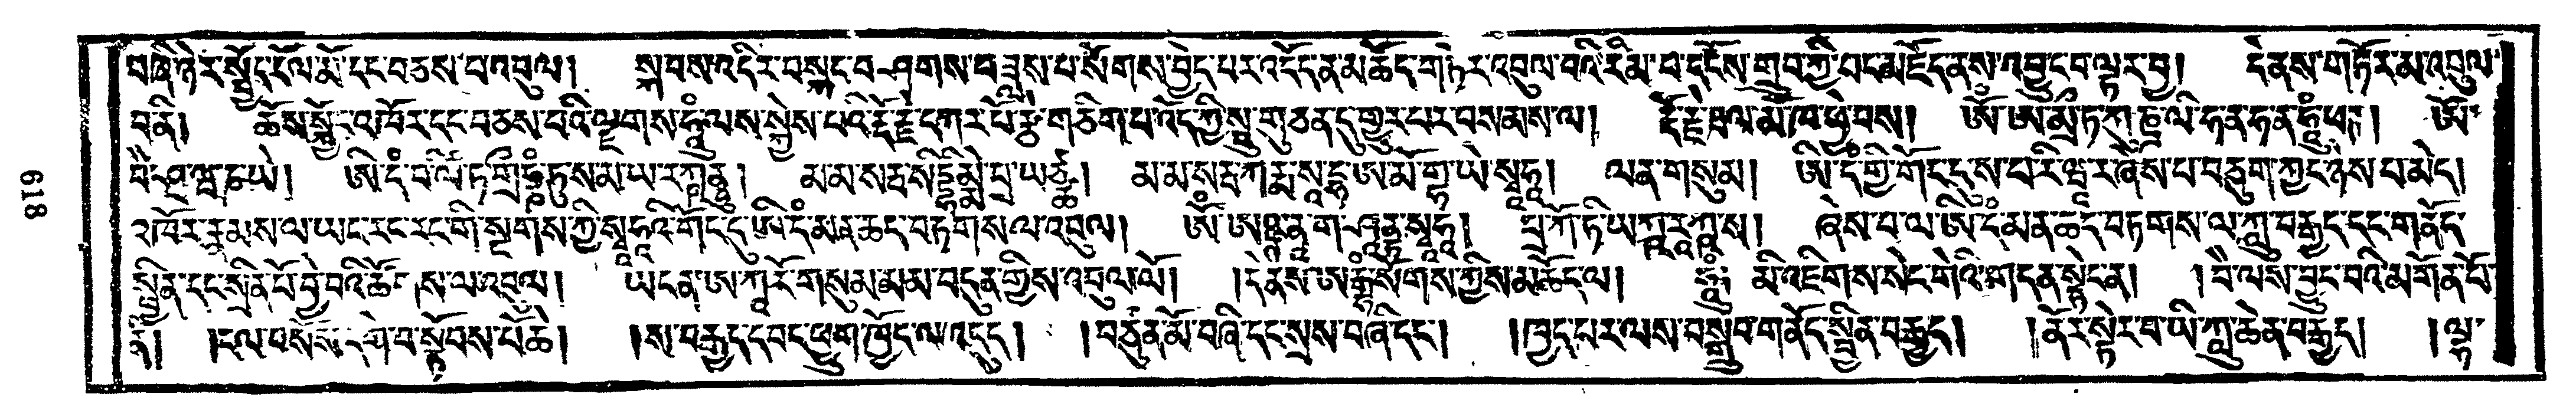བཞི་ཉེར་སྤྱོད་རོལ་མོ་དང་བཅས་བ་འབུལ། སྐབས་འདིར་བསྐང་བཤགས་བཟླས་པ་སོགས་བྱེད་པར་འདོད་ན་མཆོད་གཏེར་འབུལ་བའི་རིམ་པ་དངོས་གྲུབ་ཀྱི་བང་མཛོད་ནས་འབྱུང་བ་ལྟར་བྱ། དེ་ནས་གཏོར་མ་འབུལ་
བ་ནི། ཆོས་སྐྱོང་འཁོར་དང་བཅས་པའི་ལྗགས་ཧཱུཾ་ལས་སྐྱེས་པའི་རྡོ་རྗེ་དཀར་པོ་རྩེ་གཅིག་པ་འོད་ཀྱི་སྦུ་གུ་ཅན་དུ་གྱུར་པར་བསམས་ལ། རྡོ་རྗེ་ཐལ་མོ་ཁ་ཕྱེ་བས། ཨོཾ་ཨ་མྲྀ་ཏ་ཀུཎྜ་ལི་ཧ་ན་ཧ་ན་ཧཱུཾ་ཕཊ། ཨོཾ་
བཻ་ཤྲ་ཝ་ཎ་ཡེ། ཨི་དཾ་བ་ལིཾ་ཏ་གྲྀཧྞཾ་ཏུ་ས་མ་ཡ་རཀྵནཱུ། མ་མ་སརྦ་སིདྡྷིམྨེ་པྲ་ཡཙྪ། མ་མ་སརྦ་ཀརྨ་སཱ་དྷ་ཨ་མོ་གྷ་ཡེ་སྭཱཧཱ། ལན་གསུམ། ཨི་དཾ་གྱི་གོང་དུ་ས་པ་རི་ཝཱ་ར་ཞེས་པ་བཅུག་ཀྱང་ཉེས་པ་མེད།
འཁོར་རྣམས་ལ་ཡང་རང་རང་གི་སྔགས་ཀྱི་སྭཱཧཱའི་གོང་དུ་ཨི་དཾ་མན་ཆད་བཏགས་ལ་འབུལ། ཨོཾ་ཨཥྚ་ནཱ་ག་ཤཱནྟ་སྭཱཧཱ། པྲ་ཀོ་ཏི་ཡཀྵ་རཱཀྵ་ས། ཞེས་པ་ལ་ཨི་དཾ་མན་ཆད་བཏགས་ལ་ཀླུ་བརྒྱད་དང་གནོད་
སྦྱིན་དང་སྲིན་པོ་བྱེ་བའི་ཚོགས་ལ་འབུལ། ཡང་ན་ཨ་ཀཱ་རོ་གསུམ་མམ་བདུན་གྱིས་འབུལ་ལོ། །དེ་ནས་ཨརྒྷཾ་སོགས་ཀྱིས་མཆོད་ལ། ཧཱུཾ། མི་འཇིགས་སེང་གེའི་གདན་སྟེང་ན། །བཻ་ལས་བྱུང་བའི་མགོན་པོ་
ནི། །ངལ་བསོས་དགེ་བ་སྟོབས་པོ་ཆེ། །ས་བརྒྱད་དབང་ཕྱུག་ཁྱོད་ལ་འདུད། །བཙུན་མོ་བཞི་དང་སྲས་བཞི་དང་། །ཁྱད་པར་ལས་བསྒྲུབ་གནོད་སྦྱིན་བརྒྱད། །ནོར་སྟེར་བ་ཡི་ཀླུ་ཆེན་བརྒྱད། །ལྷ་